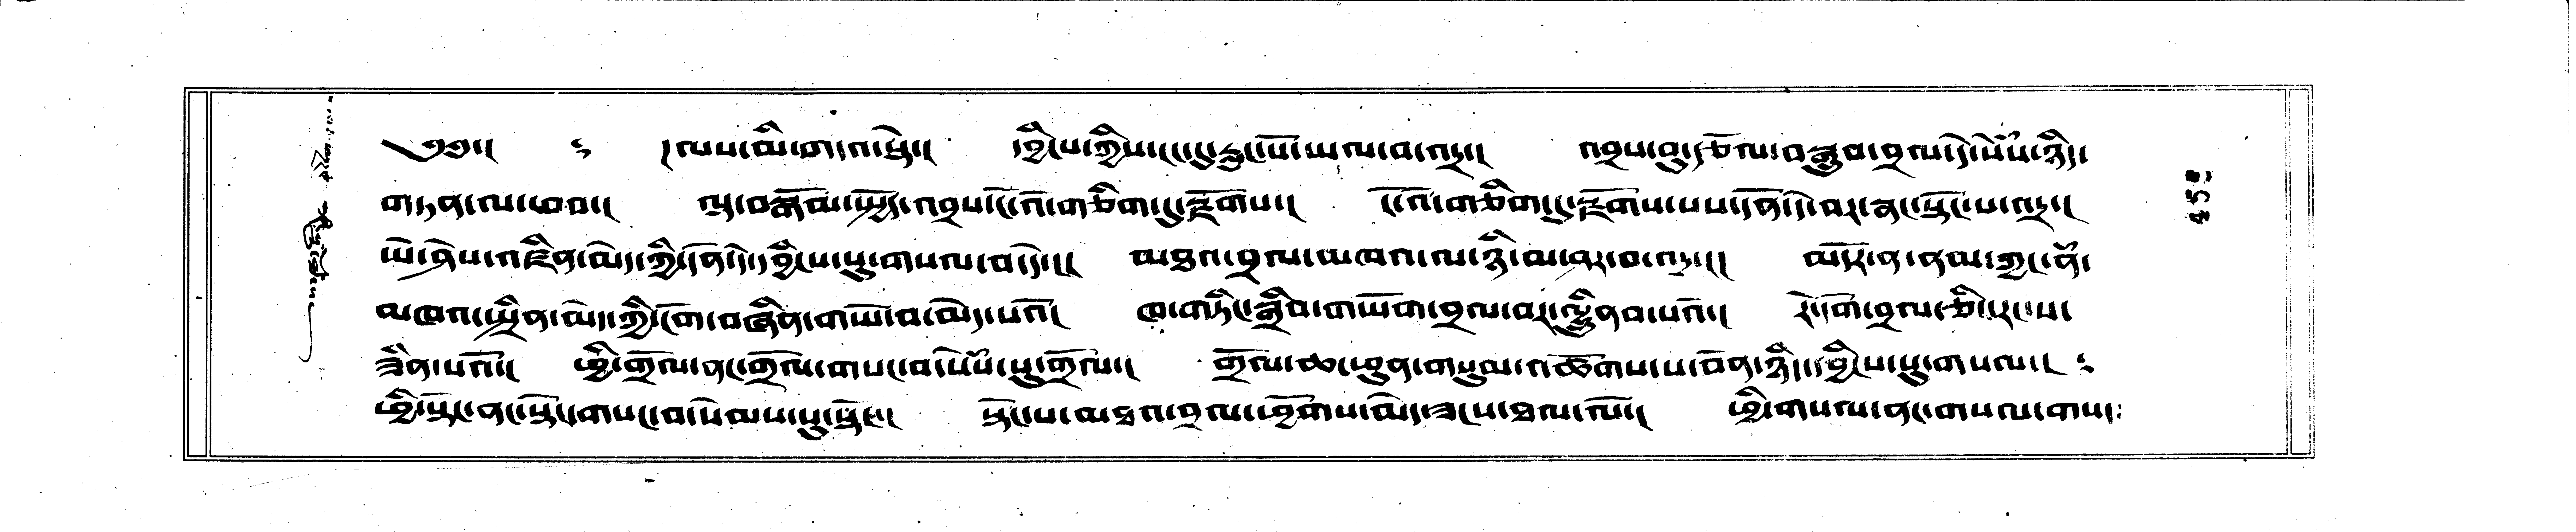ལས་མི་གདའ་སྟེ། དབྱིངས་ཀྱི་ངང་དུ་རླུང་པོ་ཡལ་བ་འདྲ། འབྲས་བུ་རྩོལ་བསྒྲུབ་བྲལ་ཏེ་སེམས་ཉིད་
གཏན་ལ་ཕེབ། ལྟ་སྒོམ་སྤྱོད་འབྲས་ངོའོ་ཅིག་ཏུ་རྫོགས། ངོའོ་ཅིག་ཏུ་རྫོགས་པའི་དོན་དེ་བར་སྣང་སྟོང་པ་འདྲ། 
གཞི་འཛིན་མེད་ཀྱིས་དོན་ཅིག་དབྱིངས་སུ་གསལ་བ་དེ། མཐའ་བྲལ་མཁའ་ལ་ཉི་མ་ཤར་བ་འདྲ། མདོར་ན་ནམ་ཀྱང་༼ཡང༽ནམ་
མཁའ་སྤྲིན་མེད་ཀྱིས་ངོག་བཞིན་དབྱེ་བ་མེད་པའོ། མཁའ་སྟེང་སྒྲིབ་གཡོག་བྲལ་བར་ལྷུན་གྱིས་གྲུབ་པའོ། རེ་དོག་བྲལ་ཞིང་རང་སར་
ཟིན་པའོ། ཕྱི་གྲོལ་ནང་གྲོལ་གསང་བ་སེམས་ཉིད་གྲོལ། གྲོལ་ཆ་ཕུན་སུམ་ཚོགས་པ་བོན་ཉིད་དབྱིངས་སུ་གསལ། 
ཕྱི་སྟོང་ནང་སྟོང་གསང་བ་སེམས་ཉིད་སྟོང་པ་ཉིད། སྟོང་པ་མཐའ་བྲལ་ཕྱོགས་མེད་ཟང་ཏལ་ལོ། ཕྱི་གསལ་ནང་གསལ་གསང་བ་